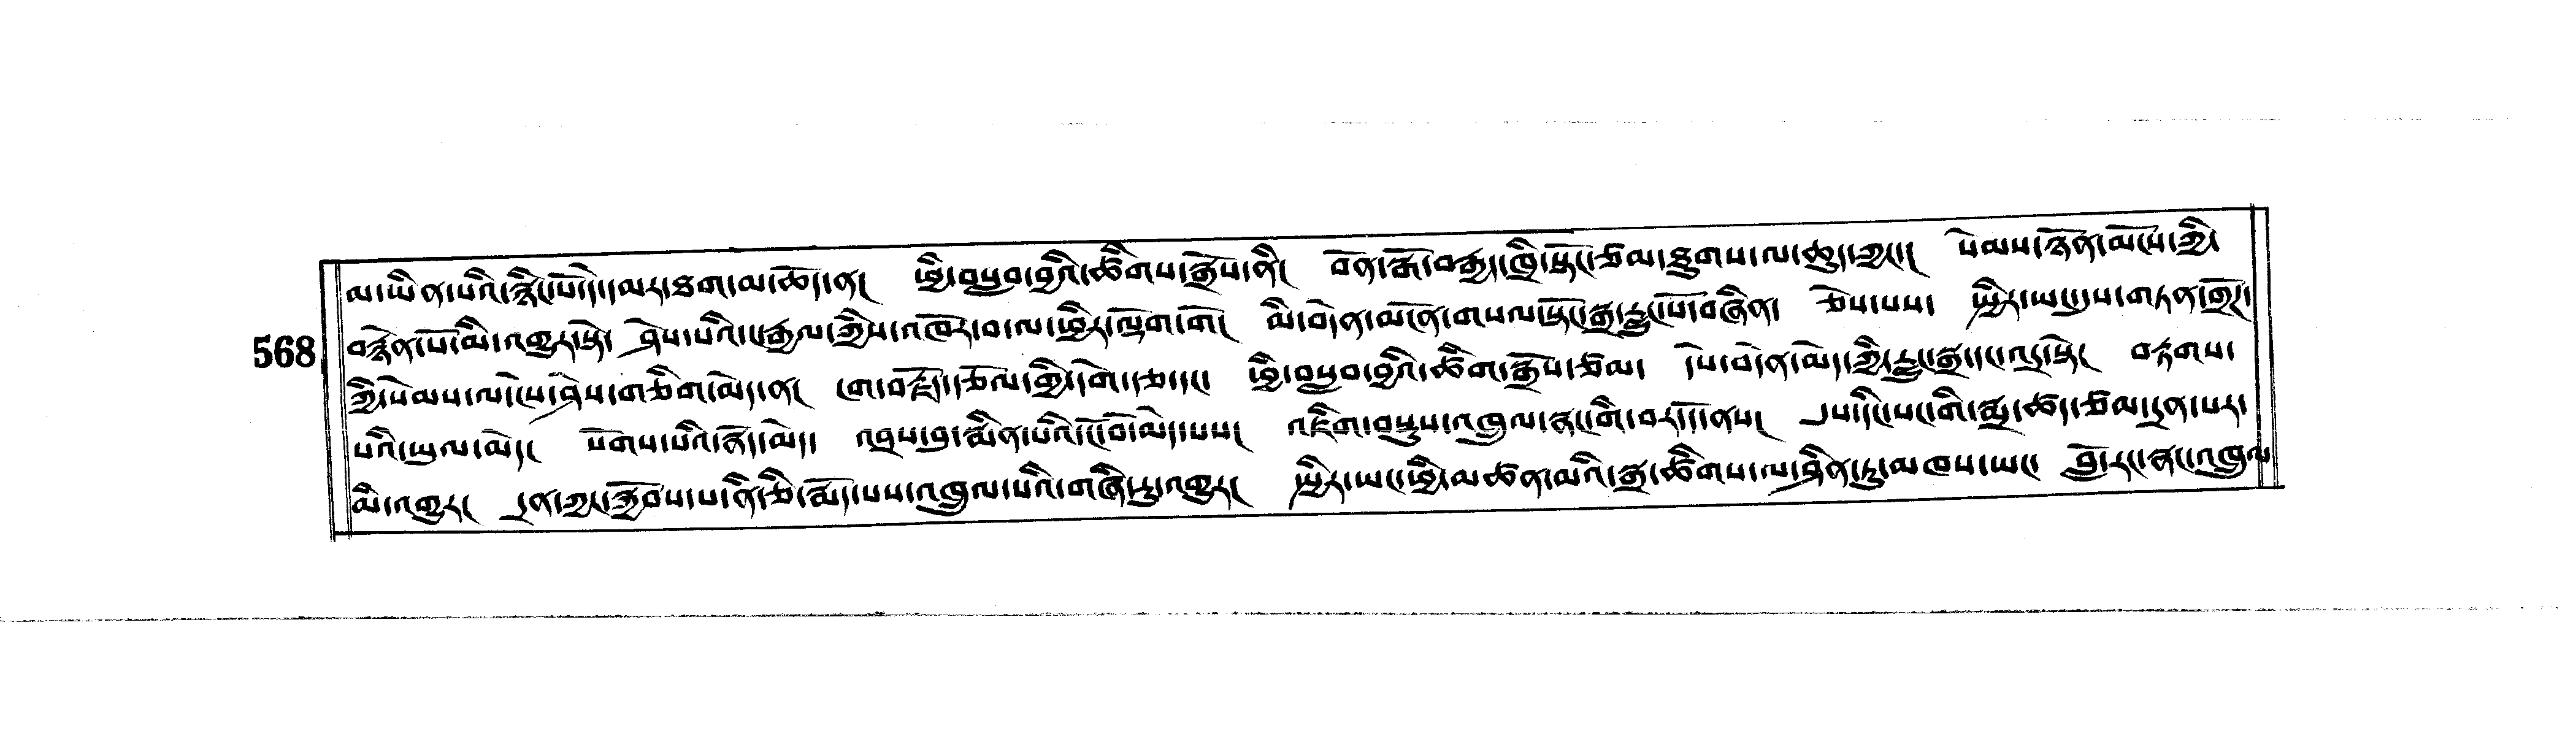མ་ཡིན་པའི་སྙིང་པོ་དེ་དམར་ཐག་མ་ཆོད་ན། ཕྱི་བསླབ་བྱའི་ཚིག་སྒྲོས་ནི། བོན་སྒོ་བརྒྱད་ཁྲི་བཞི་སྟོང་ཙམ་ཐུགས་ལ་ཆུད་ཀྱང་། སེམས་ཉོན་མོངས་ཀྱི་
བརྙེན་པོ་མི་འགྱུར་ཏེ། ཤེས་པའི་ང་རྒྱལ་གྱིས་འཁོར་བ་ལ་ཕྱིར་ལྡོག་གོ མི་བདེན་མངོན་གསལ་སྟོང་སྒྲ་རླུང་པོ་བཞིན། ཅེས་པས། སྤྱིར་ཡང་དུས་གཏན་གྲོགས་
ཀྱི་སེམས་ལ་ངེས་ཤེས་གཅིག་མེད་ན། ངག་བརྗོད་རྩོལ་གྱི་དགེ་རྩ་དང་། ཕྱི་བསླབ་བྱའི་ཚིག་སྒྲོས་ཙམ་དེས་བདེན་མེད་ཀྱི་རླུང་སྒྲ་དང་འདྲ་སྟེ། བརྟག་
པའི་ཡུལ་མེད། སོགས་པའི་སྣོད་མེད། འབྲས་བུ་སྨིན་པའི་ངོ་བོ་མེད་པས། འཇིག་བསྡུས་འཁྲུལ་སྣང་གི་བར་དོ་ནས། དུས་དེང་སང་གི་སྒྲ་ཚད་ཙམ་དྲན་པར་
མི་འགྱུར། དྲན་ཀྱང་སྐྱོབ་པ་ནི་ཅི་སྨོད་པས། འཁྲུལ་པའི་གཞི་རུ་འགྱུར། སྤྱིར་ཡང་ཕྱི་མཚན་མའི་སྒྲ་ཚིག་ལ་ཅི་ཙམ་མཁས་ཀྱང་། བློ་རང་སྣང་འཁྲུལ་